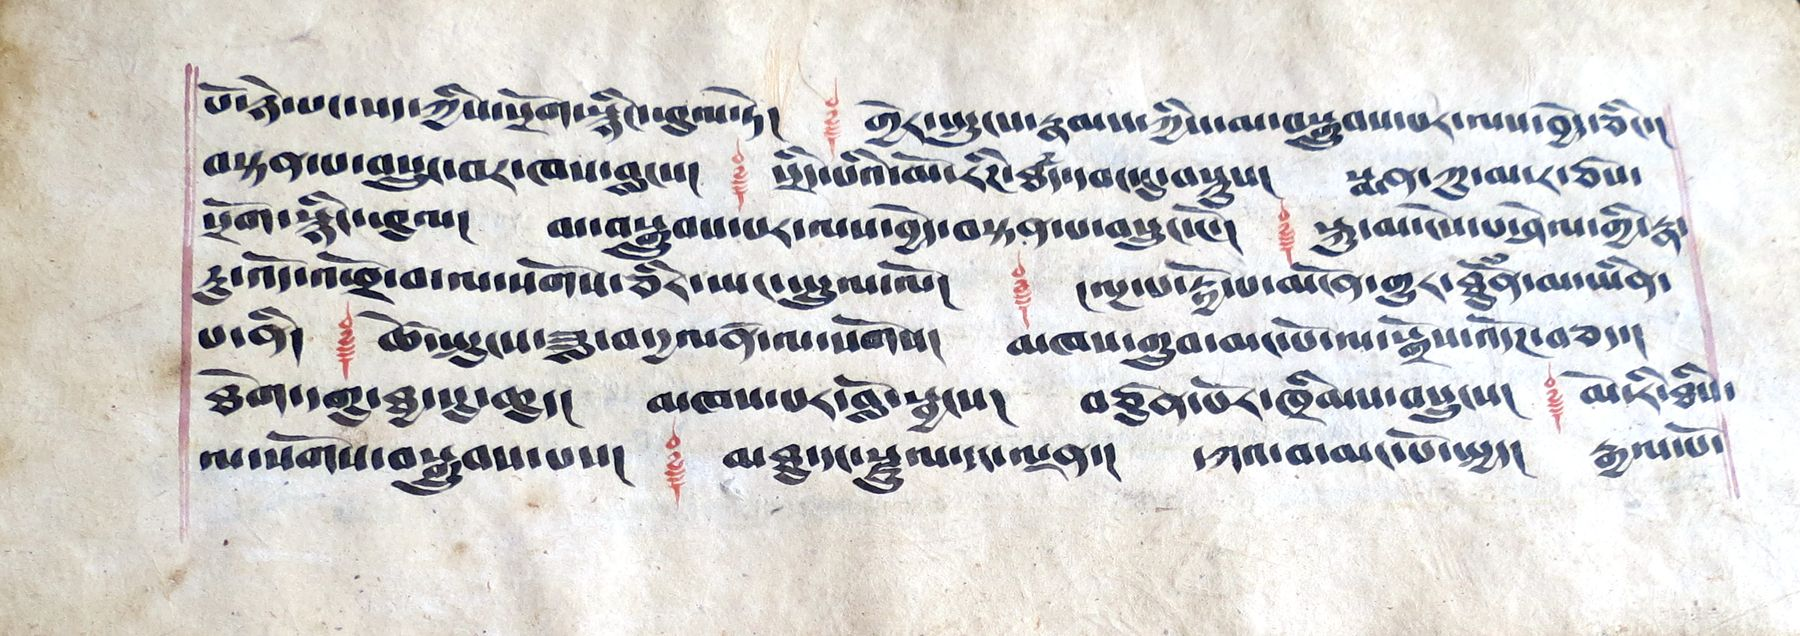པོ་ཉི་པང་སད་ཀྱི་སྲོག་སྙིང་ཕུལ་ཏེ། གྱེར་སྤུངས་རྣམས་ཀྱིས་མ་བསྒྲུབས་པར་ལས་བྱེད་ཅིང་། 
བསྟན་པ་བསྲུང་བར་ཁས་བླངས། སྲིད་པའི་མོ་རིགས་ཐམས་ཅད་དབང་དུ་བསྡུས། སྨན་ཀུ་མ་ར་ཙས་
སྲོག་སྙིང་ཕུལ། མ་བསྒྲུབས་པར་ལས་བྱེད་བསྟན་པ་སྲུང་ངོ། ། སྐུ་མ་ངེས་པ་ཤེལ་གྱི་རྣ་
རུ་འོད་འཕྲོ་བ་ལས་སོགས་ཅི་ཡང་སྤྲུལ་ལོ། ། ལྔ་པ་རྟོགས་པ་མངོན་གྱུར་ཐུན་མོང་མ་ཡིན་
པ་ནི། ཚེ་སྤུངས་ཟླ་བ་རྒྱལ་མཚན་ལས་སོགས་མཁས་གྲུབ་མང་པོ་ལ་སྒྲོས་འདོགས་བཅད། 
ཐེག་དགུ་ཐུགས་སུ་ཆུད། མཁས་པར་བློ་སྦྱངས། བཙུན་པར་ཁྲིམས་བསྲུངས། མེ་རི་ཐིས་
ལས་སོགས་བསྒྲུབས་པས། མཐུ་དང་རྫུ་འཕྲུལ་དང་ལྡན། དཀའ་བ་མང་པོ་སྤྱད། རྒྱལ་པོ་